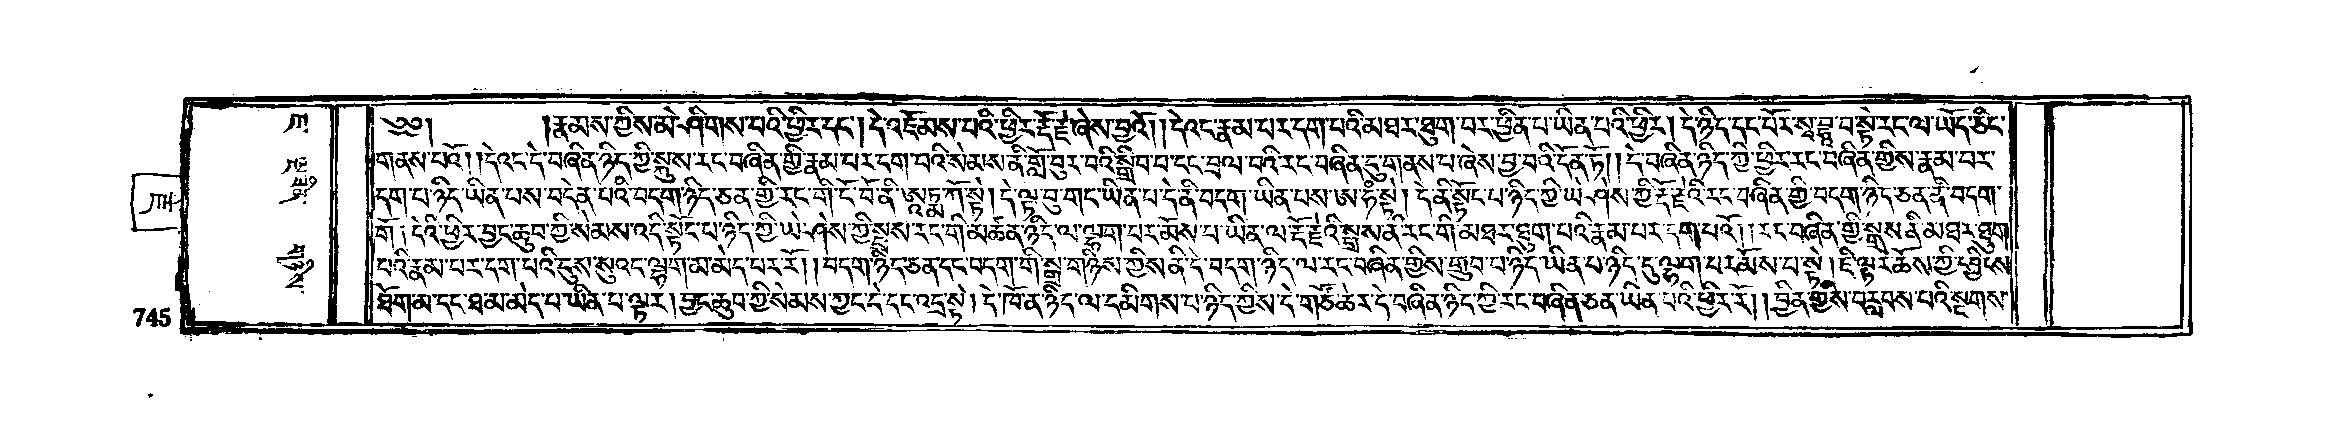༄༅། །རྣམས་ཀྱིས་མེ་ཤིགས་པའི་ཕྱིར་དང་། དེ་འཇོམས་པའི་ཕྱིར་རྡོ་རྗེ་ཞེས་བྱའོ། །དེའང་རྣམ་པར་དག་པའི་མཐར་ཐུག་བར་ཕྱིན་པ་ཡིན་པའི་ཕྱིར། དེ་ཉིད་དང་པོར་སྭ་བྷཱ་བ་སྟེ་རང་ལ་ཡོད་ཅིང་
གནས་པའོ། །དེའང་དེ་བཞིན་ཉིད་ཀྱི་སྐུས་རང་བཞིན་གྱི་རྣམ་པར་དག་པའི་སེམས་ནི་གློ་བུར་བའི་སྒྲིབ་པ་དང་བྲལ་བའི་རང་བཞིན་དུ་གནས་པ་ཞེས་བྱ་བའི་དོན་ཏོ། །དེ་བཞིན་ཉིད་ཀྱི་ཕྱིར་རང་བཞིན་གྱིས་རྣམ་པར་
དག་པ་ཉིད་ཡིན་པས་བདེན་པའི་བདག་ཉིད་ཅན་གྱི་རང་གི་ངོ་བོ་ནི་ཨཱཏྨ་ཀོ་སྟེ། དེ་ལྟ་བུ་གང་ཡིན་པ་དེ་ནི་བདག་ཡིན་པས་ཨ་ཧཾ་སྟེ། དེ་ནི་སྟོང་པ་ཉིད་ཀྱི་ཡེ་ཤེས་ཀྱི་རྡོ་རྗེའི་རང་བཞིན་གྱི་བདག་ཉིད་ཅན་ནི་བདག་
གོ །དེའི་ཕྱིར་བྱང་ཆུབ་ཀྱི་སེམས་འདི་སྟོང་པ་ཉིད་ཀྱི་ཡེ་ཤེས་ཀྱི་སྒྲས་རང་གི་མཚན་ཉིད་ལ་ལྷག་པར་མོས་པ་ཡིན་ལ་རྡོ་རྗེའི་སྒྲས་ནི་རང་གི་མཐར་ཐུག་པའི་རྣམ་པར་དག་པའོ། །རང་བཞིན་གྱི་སྒྲས་ནི་མཐར་ཐུག་
པའི་རྣམ་པར་དག་པའི་དུས་སུའང་ལྷག་མ་མེད་པར་རོ། །བདག་ཉིད་ཅན་དང་བདག་གི་སྒྲ་གཉིས་ཀྱིས་ནི་དེ་བདག་ཉིད་ལ་རང་བཞིན་གྱིས་གྲུབ་པ་ཉིད་ཡིན་པ་ཉིད་དུ་ལྷག་པར་མོས་པ་སྟེ། ཇི་ལྟར་ཆོས་ཀྱི་དབྱིངས་
ཐོག་མ་དང་ཐ་མ་མེད་པ་ཡིན་པ་ལྟར། བྱང་ཆུབ་ཀྱི་སེམས་ཀྱང་དེ་དང་འདྲ་སྟེ། དེ་ཁོ་ན་ཉིད་ལ་དམིགས་པ་ཉིད་ཀྱིས་དེ་གཙོ་ཆེར་དེ་བཞིན་ཉིད་ཀྱི་རང་བཞིན་ཅན་ཡིན་པའི་ཕྱིར་རོ། །བྱིན་གྱིས་བརླབས་པའི་སྔགས་